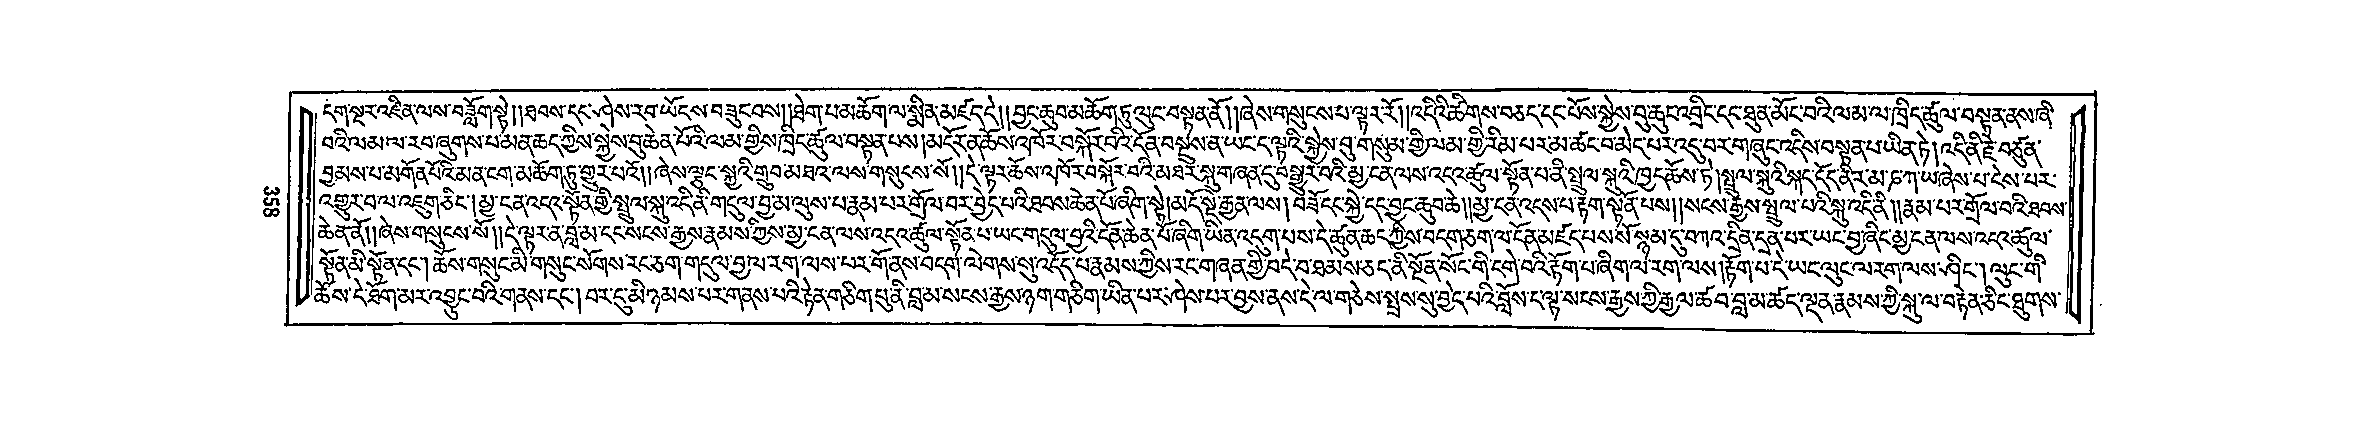དག་སྔར་འཛིན་ལས་བཟློག་སྟེ། །ཐབས་དང་ཤེས་རབ་ཡོངས་བཟུང་བས། །ཐེག་པ་མཆོག་ལ་སྨིན་མཛད་དེ། །བྱང་ཆུབ་མཆོག་ཏུ་ལུང་བསྟན་ནོ། །ཞེས་གསུངས་པ་ལྟར་རོ། །འདིའི་ཚིགས་བཅད་དང་པོས་སྐྱེས་བུ་ཆུང་འབྲིང་དང་ཐུན་མོང་བའི་ལམ་ལ་ཁྲིད་ཚུལ་བསྟན་ནས་ཞི་
བའི་ལམ་ལ་རབ་ཞུགས་པ་མན་ཆད་ཀྱིས་སྐྱེས་བུ་ཆེན་པོའི་ལམ་གྱིས་ཁྲིད་ཚུལ་བསྟན་པས། མདོར་ན་ཆོས་འཁོར་བསྐོར་བའི་དོན་བསྡུས་ན་ཡང་ད་ལྟའི་སྐྱེས་བུ་གསུམ་གྱི་ལམ་གྱི་རིམ་པར་མ་ཚང་བ་མེད་པར་འདུ་བར་གཞུང་འདིས་བསྟན་པ་ཡིན་ཏེ། འདི་ནི་རྗེ་བཙུན་
བྱམས་པ་མགོན་པོའི་མན་ངག་མཆོག་ཏུ་གྱུར་པའོ། །ཞེས་ལྕང་སྐྱའི་གྲུབ་མཐའ་ལས་གསུངས་སོ། །དེ་ལྟར་ཆོས་འཁོར་བསྐོར་བའི་མཐར་སྐུ་གཞན་དུ་བསྒྱུར་བའི་མྱ་ངན་ལས་འདའ་ཚུལ་སྟོན་པ་ནི་སྤྲུལ་སྐུའི་ཁྱད་ཆོས་ཏེ། སྤྲུལ་སྐུའི་སྐད་དོད་ནི་ར་མ་ཎ་ཀ་ཡ་ཞེས་པ་ངེས་པར་
འགྱུར་བ་ལ་འཇུག་ཅིང་། མྱ་ངན་འདའ་སྟོན་གྱི་སྤྲུལ་སྐུ་འདི་ནི་གདུལ་བྱ་མ་ལུས་པ་རྣམ་པར་གྲོལ་བར་བྱེད་པའི་ཐབས་ཆེན་པོ་ཞིག་སྟེ། མདོ་སྡེ་རྒྱན་ལས། བཟོ་དང་སྐྱེ་དང་བྱང་ཆུབ་ཆེ། །མྱ་ངན་འདས་པ་རྟག་སྟོན་པས། །སངས་རྒྱས་སྤྲུལ་པའི་སྐུ་འདི་ནི། །རྣམ་པར་གྲོལ་བའི་ཐབས་
ཆེན་ནོ། །ཞེས་གསུངས་སོ། །དེ་ལྟར་ན་བླ་མ་དང་སངས་རྒྱས་རྣམས་ཀྱིས་མྱ་ངན་ལས་འདའ་ཚུལ་སྟོན་པ་ཡང་གདུལ་བྱའི་དོན་ཆེན་པོ་ཞིག་ཡིན་འདུག་པས་དེ་ཚུན་ཆད་ཀྱིས་བདག་ཅག་ལ་དོན་མཛད་པས་སོ་སྙམ་དུ་བཀའ་དྲིན་དྲན་པར་ཡང་བྱ་ཞིང་མྱ་ངན་ལས་འདའ་ཚུལ་
སྟོན་མི་སྟོན་དང་། ཆོས་གསུང་མི་གསུང་སོགས་རང་ཅག་གདུལ་བྱ་ལ་རག་ལས་པར་གོ་ནས་བདག་ལེགས་སུ་འདོད་པ་རྣམས་ཀྱིས་རང་གཞན་གྱི་བདེ་བ་ཐམས་ཅད་ནི་སྔོན་སོང་གི་དགེ་བའི་རྟོག་པ་ཞིག་ལ་རག་ལས། རྟོག་པ་དེ་ཡང་ལུང་ལ་རག་ལས་ཤིང་། ལུང་གི་
ཆོས་དེ་ཐོག་མར་འབྱུང་བའི་གནས་དང་། བར་དུ་མི་ཉམས་པར་གནས་པའི་རྟེན་གཅིག་པུ་ནི་བླ་མ་སངས་རྒྱས་ཉག་གཅིག་ཡིན་པར་ཤེས་པར་བྱས་ནས་དེ་ལ་གཅེས་སྤྲས་སུ་བྱེད་པའི་བློས་ད་ལྟ་སངས་རྒྱས་ཀྱི་རྒྱལ་ཚབ་བླ་མ་ཚད་ལྡན་རྣམས་ཀྱི་སྐུ་ལ་བརྟེན་ཅིང་ཐུགས་